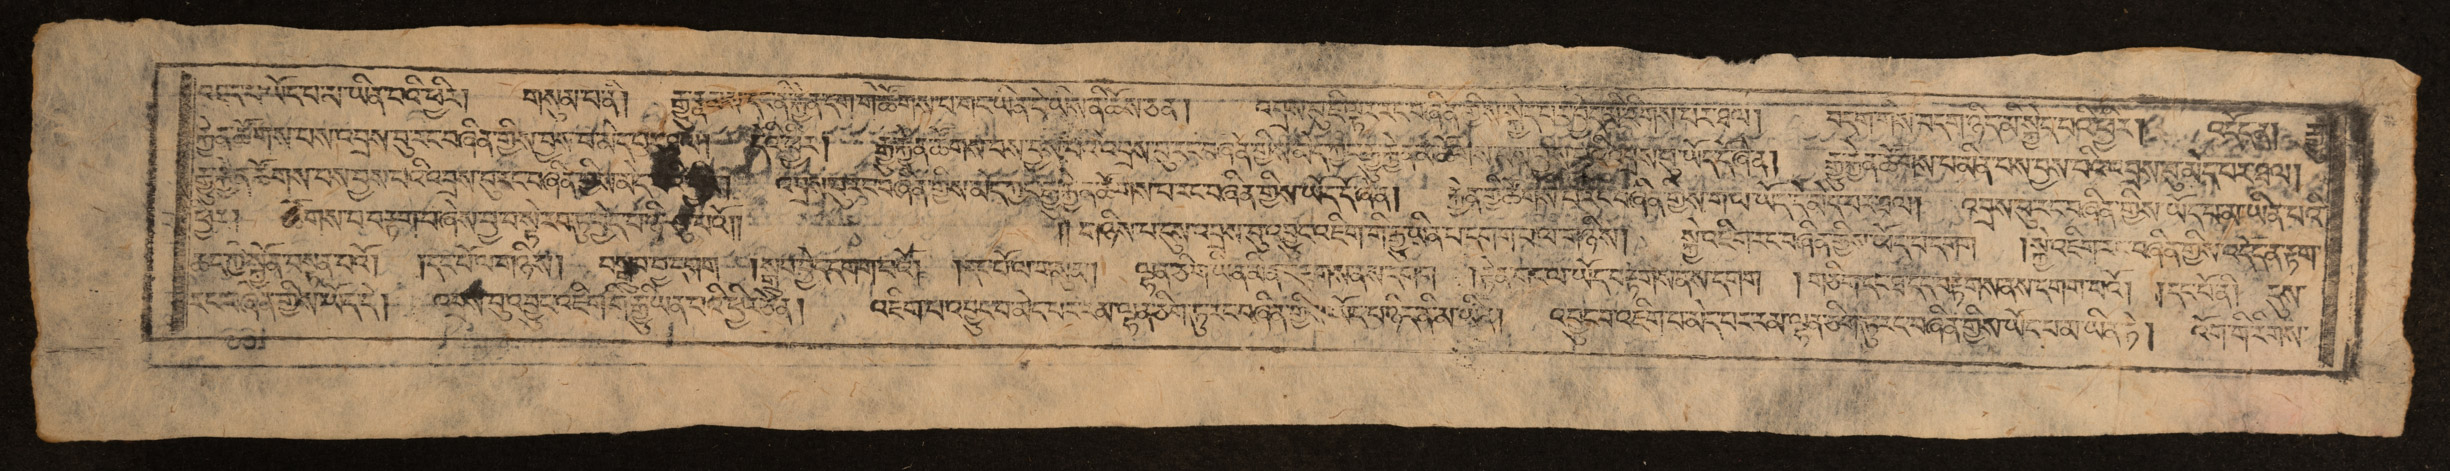འཐད་པ་ཡོད་པ་མ་ཡིན་པའི་ཕྱིར། གསུམ་པ་ནི། རྒྱུ་རྣམས་དང་ནི་རྐྱེན་དག་གི་ཚོགས་པ་གང་ཡིན་དེ་ཡིས་ནི་ཆོས་ཅན། འབྲས་བུ་ཇི་ལྟར་རང་བཞིན་གྱིས་སྐྱེད་པར་བྱེད་མི་རིགས་པར་ཐལ། བདག་གིས་བདག་ཉིད་མི་སྐྱེད་པའི་ཕྱིར། འདོད་ན། རྒྱུ་
རྐྱེན་ཚོགས་པས་འབྲས་བུ་རང་བཞིན་གྱིས་བྱས་པ་མེད་པར་ཐལ། དེའི་ཕྱིར། རྒྱུ་རྐྱེན་ཚོགས་པས་བྱས་པའི་འབྲས་བུ་རང་བཞིན་གྱིས་མེད་ཀྱང་རྒྱུ་རྐྱེན་མ་ཚོགས་པས་བྱས་པའི་འབྲས་བུ་ཡོད་དོ་ཞེ་ན། རྒྱུ་རྐྱེན་ཚོགས་པ་མིན་པས་བྱས་པའི་འབྲས་བུ་མེད་པར་ཐལ།
རྒྱུ་རྐྱེན་ཚོགས་པས་བྱས་པའི་འབྲས་བུ་རང་བཞིན་གྱིས་མེད་པའི་ཕྱིར། འབྲས་བུ་རང་བཞིན་གྱིས་མེད་ཀྱང་རྒྱུ་རྐྱེན་ཚོགས་པ་རང་བཞིན་གྱིས་ཡོད་དོ་ཞེ་ན། རྐྱེན་གྱི་ཚོགས་པ་རང་བཞིན་གྱིས་ག་ལ་ཡོད་དེ་མེད་པར་ཐལ། འབྲས་བུ་རང་བཞིན་གྱིས་ཡོད་པ་མ་ཡིན་པའི་
ཕྱིར། ཚོགས་པ་བརྟག་པ་ཞེས་བྱ་བ་སྟེ་རབ་ཏུ་བྱེད་པ་ཉི་ཤུ་པའོ།། །།གཉིས་པ་དུས་འབྲས་བུ་འབྱུང་འཇིག་གི་རྒྱུ་ཡིན་པ་དགག་པ་ལ་གཉིས། སྐྱེ་འཇིག་རང་བཞིན་གྱིས་ཡོད་པ་དགག །སྐྱེ་འཇིག་རང་བཞིན་གྱིས་འདོད་ན་རྟག་
ཆད་ཀྱི་སྐྱོན་བསྟན་པའོ། །དང་པོ་ལ་གཉིས། བསྒྲུབ་བྱ་དགག །སྒྲུབ་བྱེད་དགག་པའོ། །དང་པོ་ལ་གསུམ། ལྷན་ཅིག་ཡིན་མིན་བརྟགས་ནས་དགག །རྟེན་གང་ལ་ཡོད་བརྟགས་ནས་དགག །གཅིག་དང་ཐ་དད་བརྟགས་ནས་དགག་པའོ། །དང་པོ་ནི། དུས་
རང་བཞིན་གྱིས་ཡོད་དེ། འབྲས་བུ་འབྱུང་འཇིག་གི་རྒྱུ་ཡིན་པའི་ཕྱིར་ཅེ་ན། འཇིག་པ་འབྱུང་བ་མེད་པར་རམ་ལྷན་ཅིག་ཏུ་རང་བཞིན་གྱིས་ཡོད་པ་ཉིད་ནི་མ་ཡིན། འབྱུང་བ་འཇིག་པ་མེད་པར་རམ་ལྷན་ཅིག་ཏུ་རང་བཞིན་གྱིས་ཡོད་པ་མ་ཡིན་ཏེ། འོག་གི་རིགས་